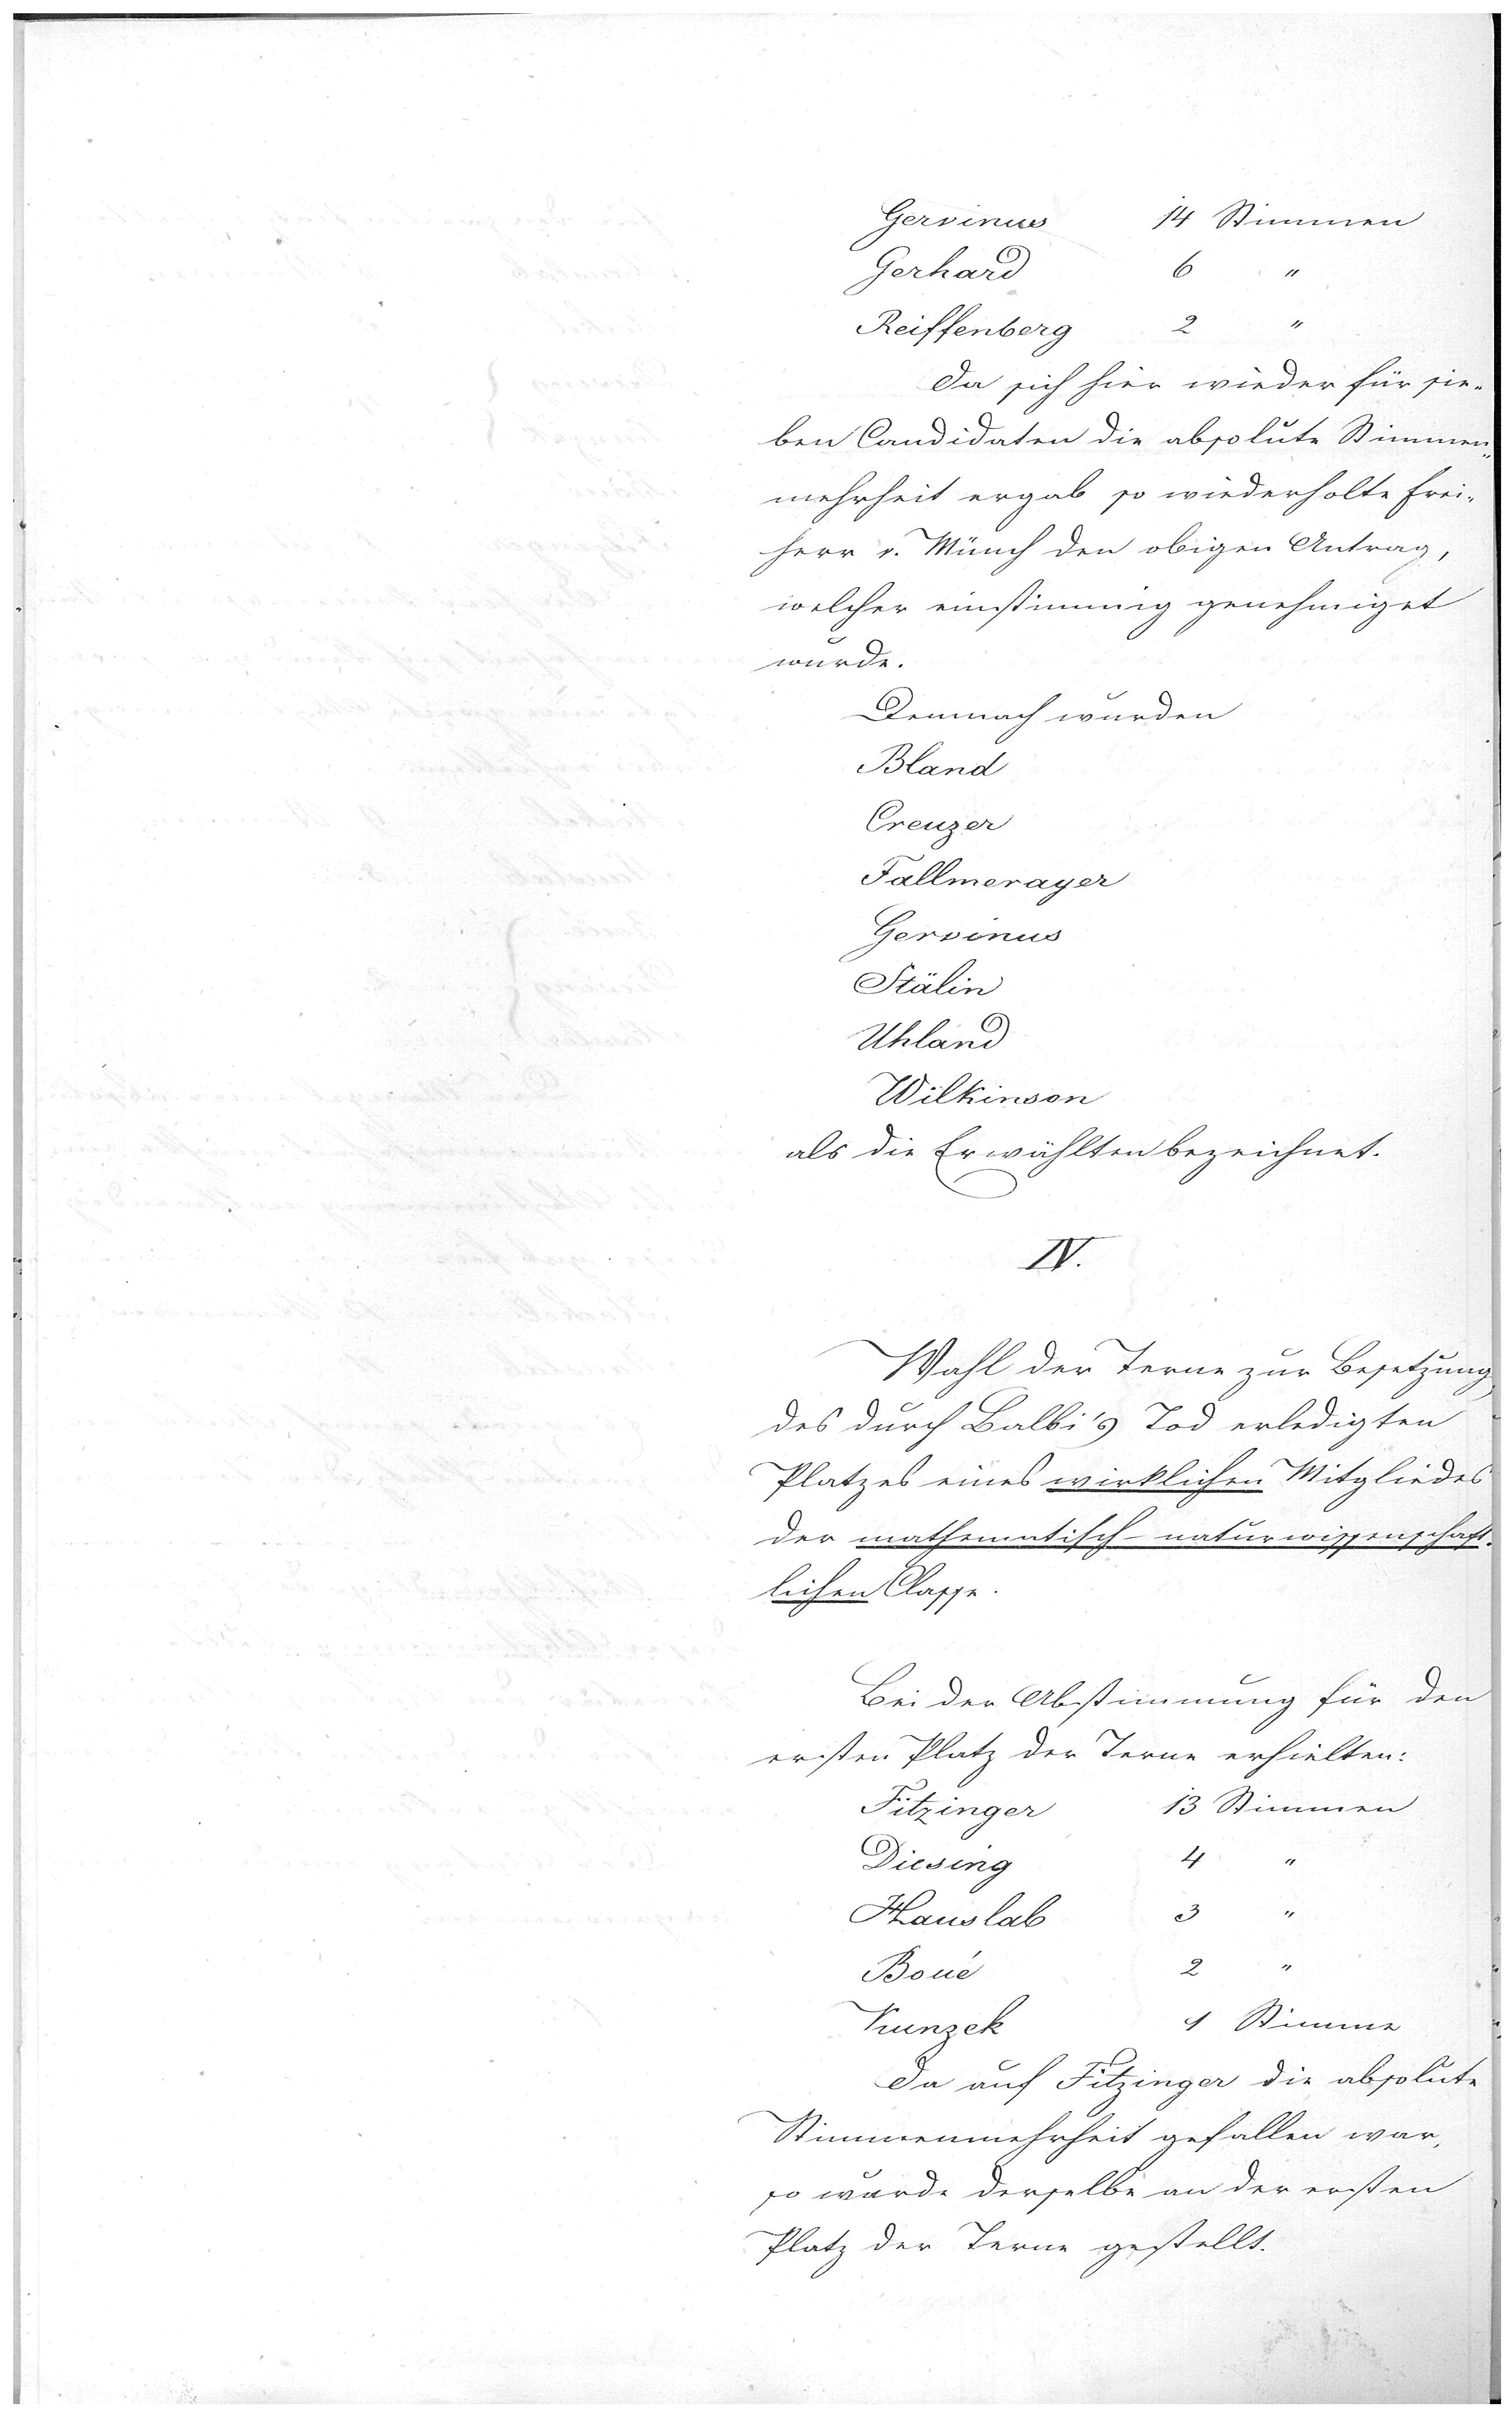Gervinus 14 Stimmen
Gerhard 6 "
Reiffenberg 2 "
Da sich hier wieder für sie-
ben Candidaten die absolute Stimmen-
mehrheit ergab so wiederholten Frei-
herr v. Münch den obigen Antrag,
welcher einstimmig genehmiget
wurde.
Demnach wurden
Bland
Creuzer
Fallmerayer
Gervinus
Stälin
Uhland
Wilkinson
als die Erwählten bezeichnet.
IV.
Wahl der Terne zur Besetzung
des durch Balbi's Tod erledigten
Platzes eines wirklichen Mitgliedes
der mathematisch-naturwissenschaft-
lichen Classe.
Bei der Abstimmung für den
ersten Platz der Terne erhielten:
Fitzinger 13 Stimmen
Diesing 4 "
Hauslab 3 "
Boué 2 "
Kunzek 1 Stimme
Da auf Fitzinger die absolute
Stimmenmehrheit gefallen war,
so wurde derselbe an der ersten
Platz der Ternen gestellt.